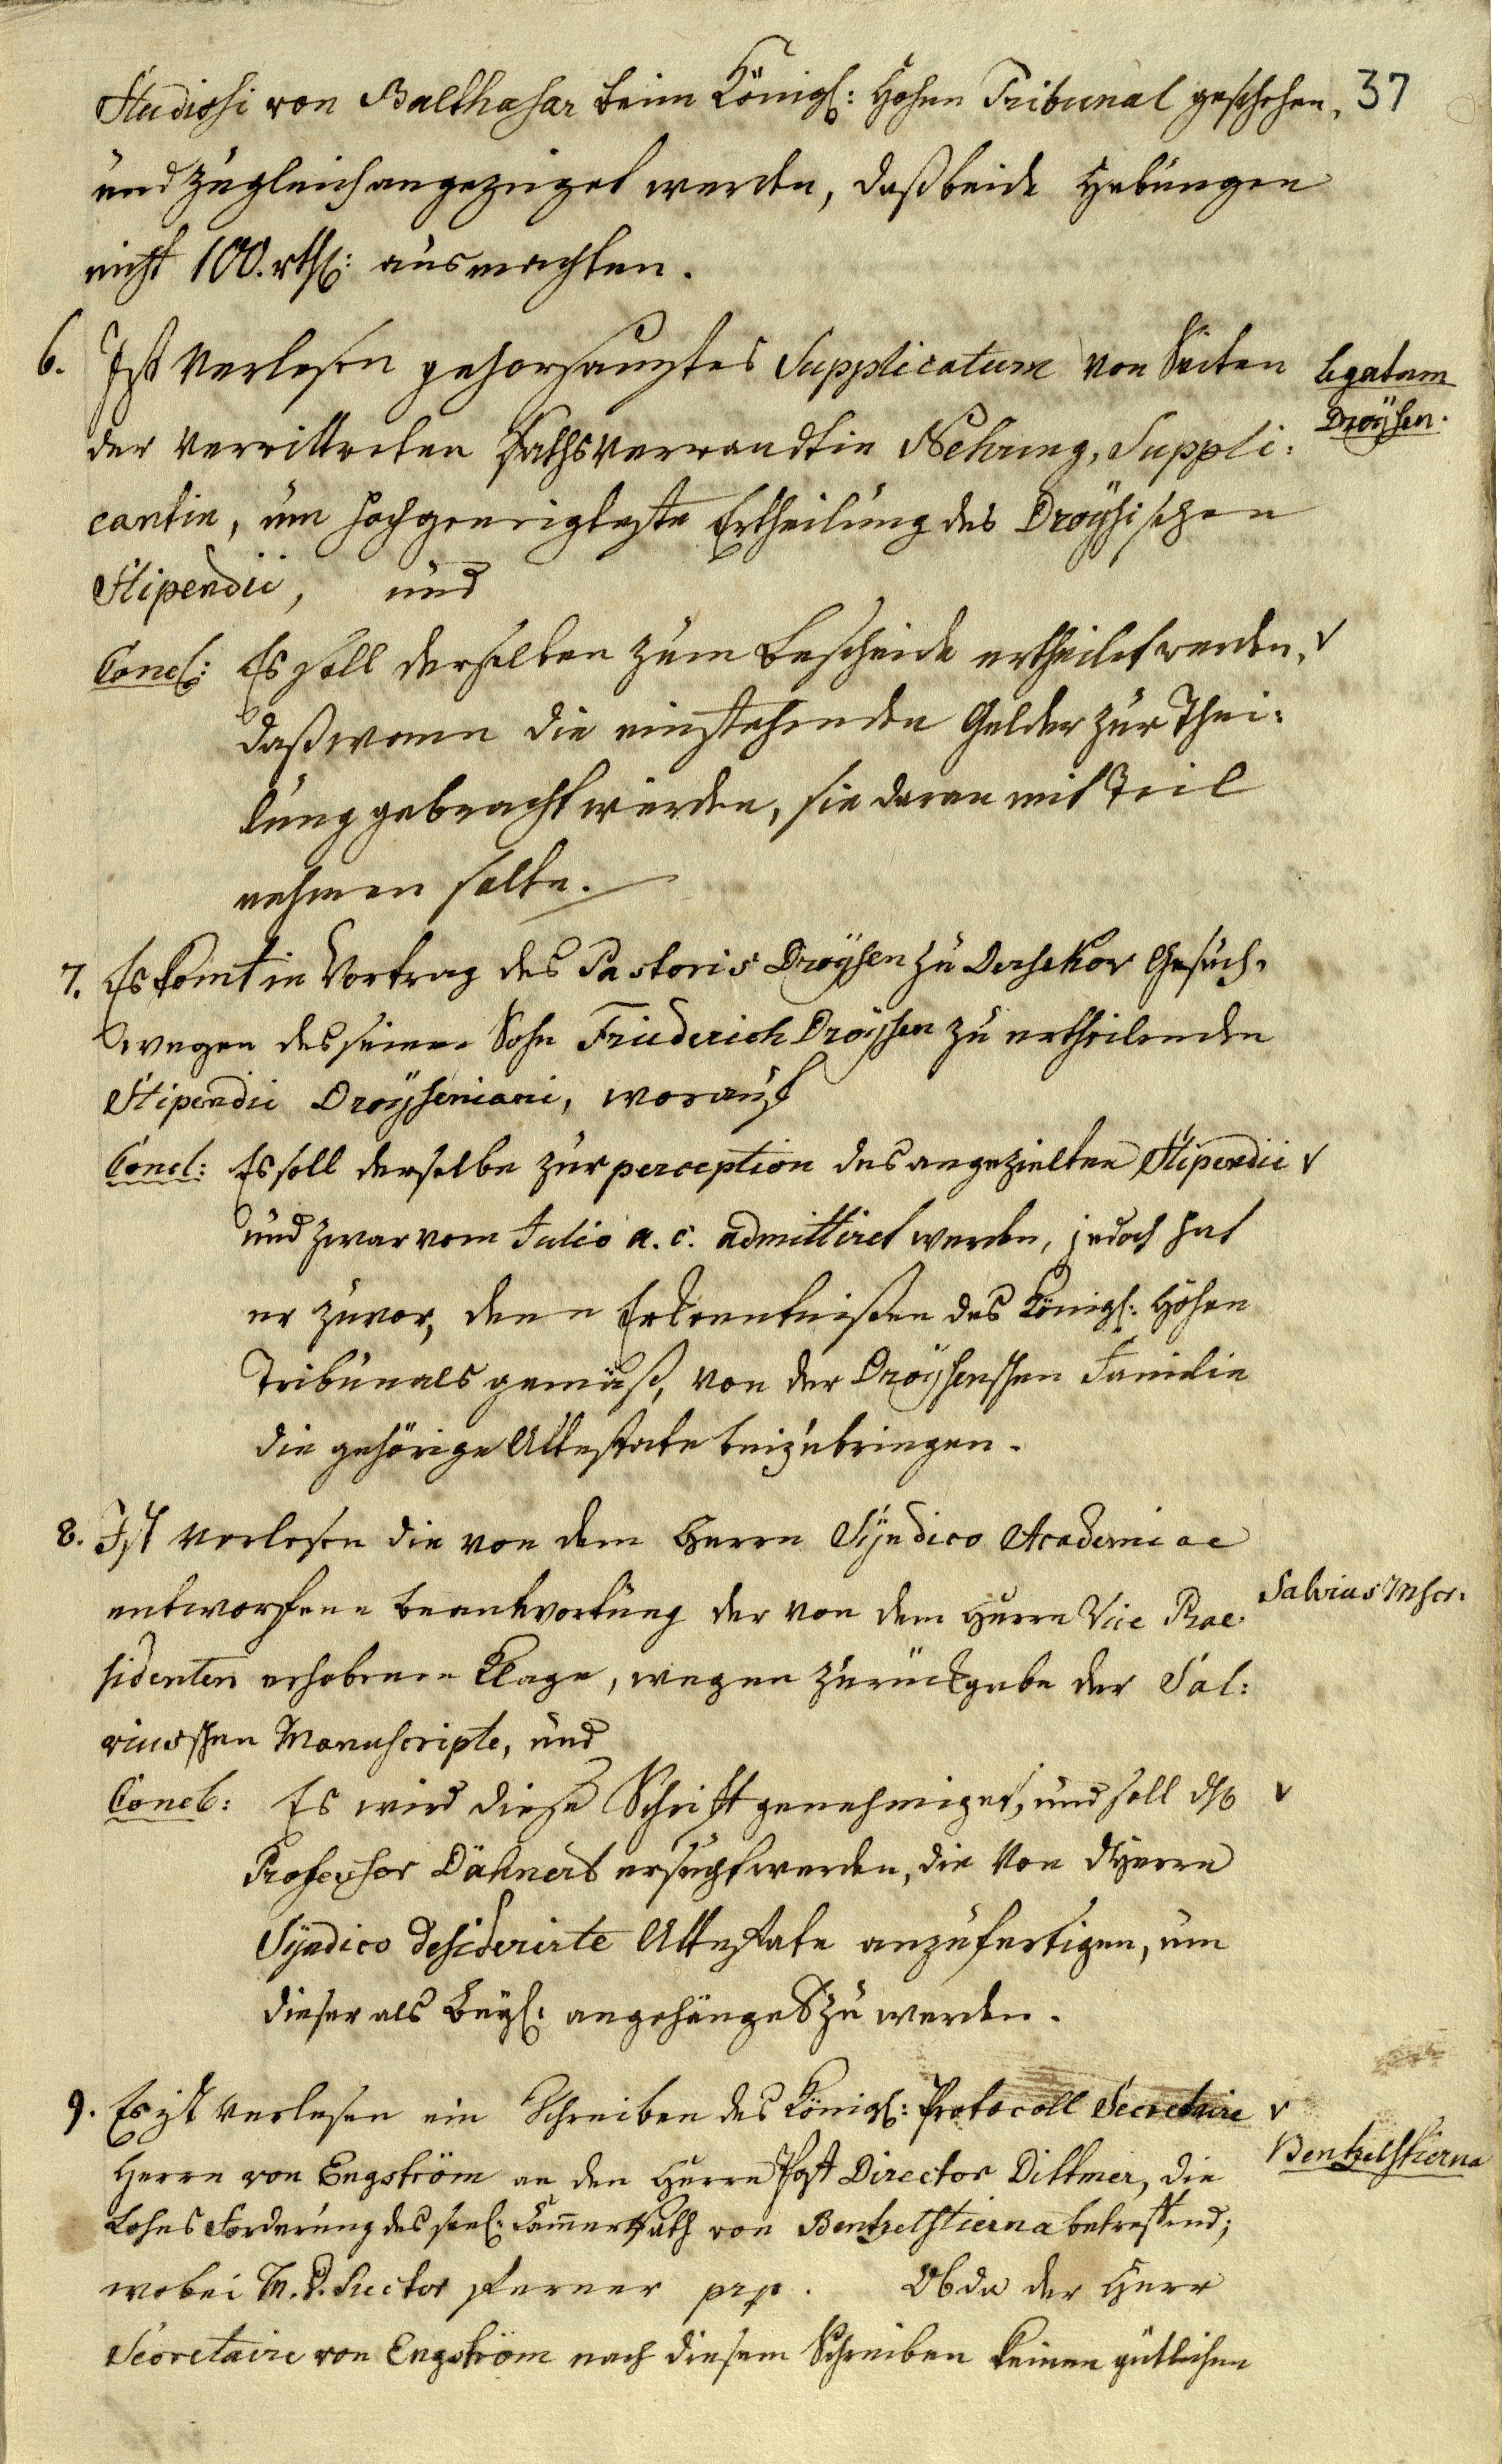Studiosi von Balthasar beim Königl. Hohen Tribunal geschehen,
und zugleich angezeigt werden, daß beide Hebungen
nicht 100. rtl. ausmachten.
6. Ist verlesen gehorsamstes Supplicatum von Seiten
der verwittweten Rathsverwandtin Nehring, Suppli¬
cantin, um hochgeneigteste Ertheilung des Droÿsischen
Stipendii, und
Concl: Es soll derselben zum Bescheide ertheilet werden,
daß wann die einstehenden Gelder zur Thei¬
lung gebracht würden, sie daran mit teil
nehmen solte.
7. Es komt in Vortrag des Pastoris Droÿsen zu Dersekow Gesuch,
wegen des seinen Sohn Friedrich Droÿsen zu ertheilenden
Stipendii Droÿseniani, worauf
Concl. Es soll derselbe zur perception des angezielten Stipendii
undzwarvom Julio a. c. admittiret werden, jedoch hat
er zuvor, dennErkenntnißen des Königl. Hohen
Tribunals gemäß, von der Droÿsenschen Familie
die gehörige Attestate beizubringen.
8. Ist verlesen die von dem Herrn Sÿndico Academiae
entworfene Beantwortung der von dem Herrn Vice Prae¬
sidenten erhobenen Klage, wegen Zurückgabe der Sal¬
viusschen Manuscripte, und
Concl. Es wird diese Schrift genehmiget, und soll dh
Professor Dähnert ersucht werden, die von d Herrn
Sÿndico desiderirte Attestate anzufertigen, um
dieser als Beÿl. angehänget zu werden.
9. Es ist verlesen ein Schreiben des Königl. Protocoll Secretaire
Herrn von Engström an den Herrn Post Director Dittmer, die
Lohns Forderung des seel. CammerRath von Bentzelstierna betreffend,
wobei M. D. Rector ferner prp. Ob da der Herr
Secretaire von Engströmnach diesem Schreiben keinen gütlichen